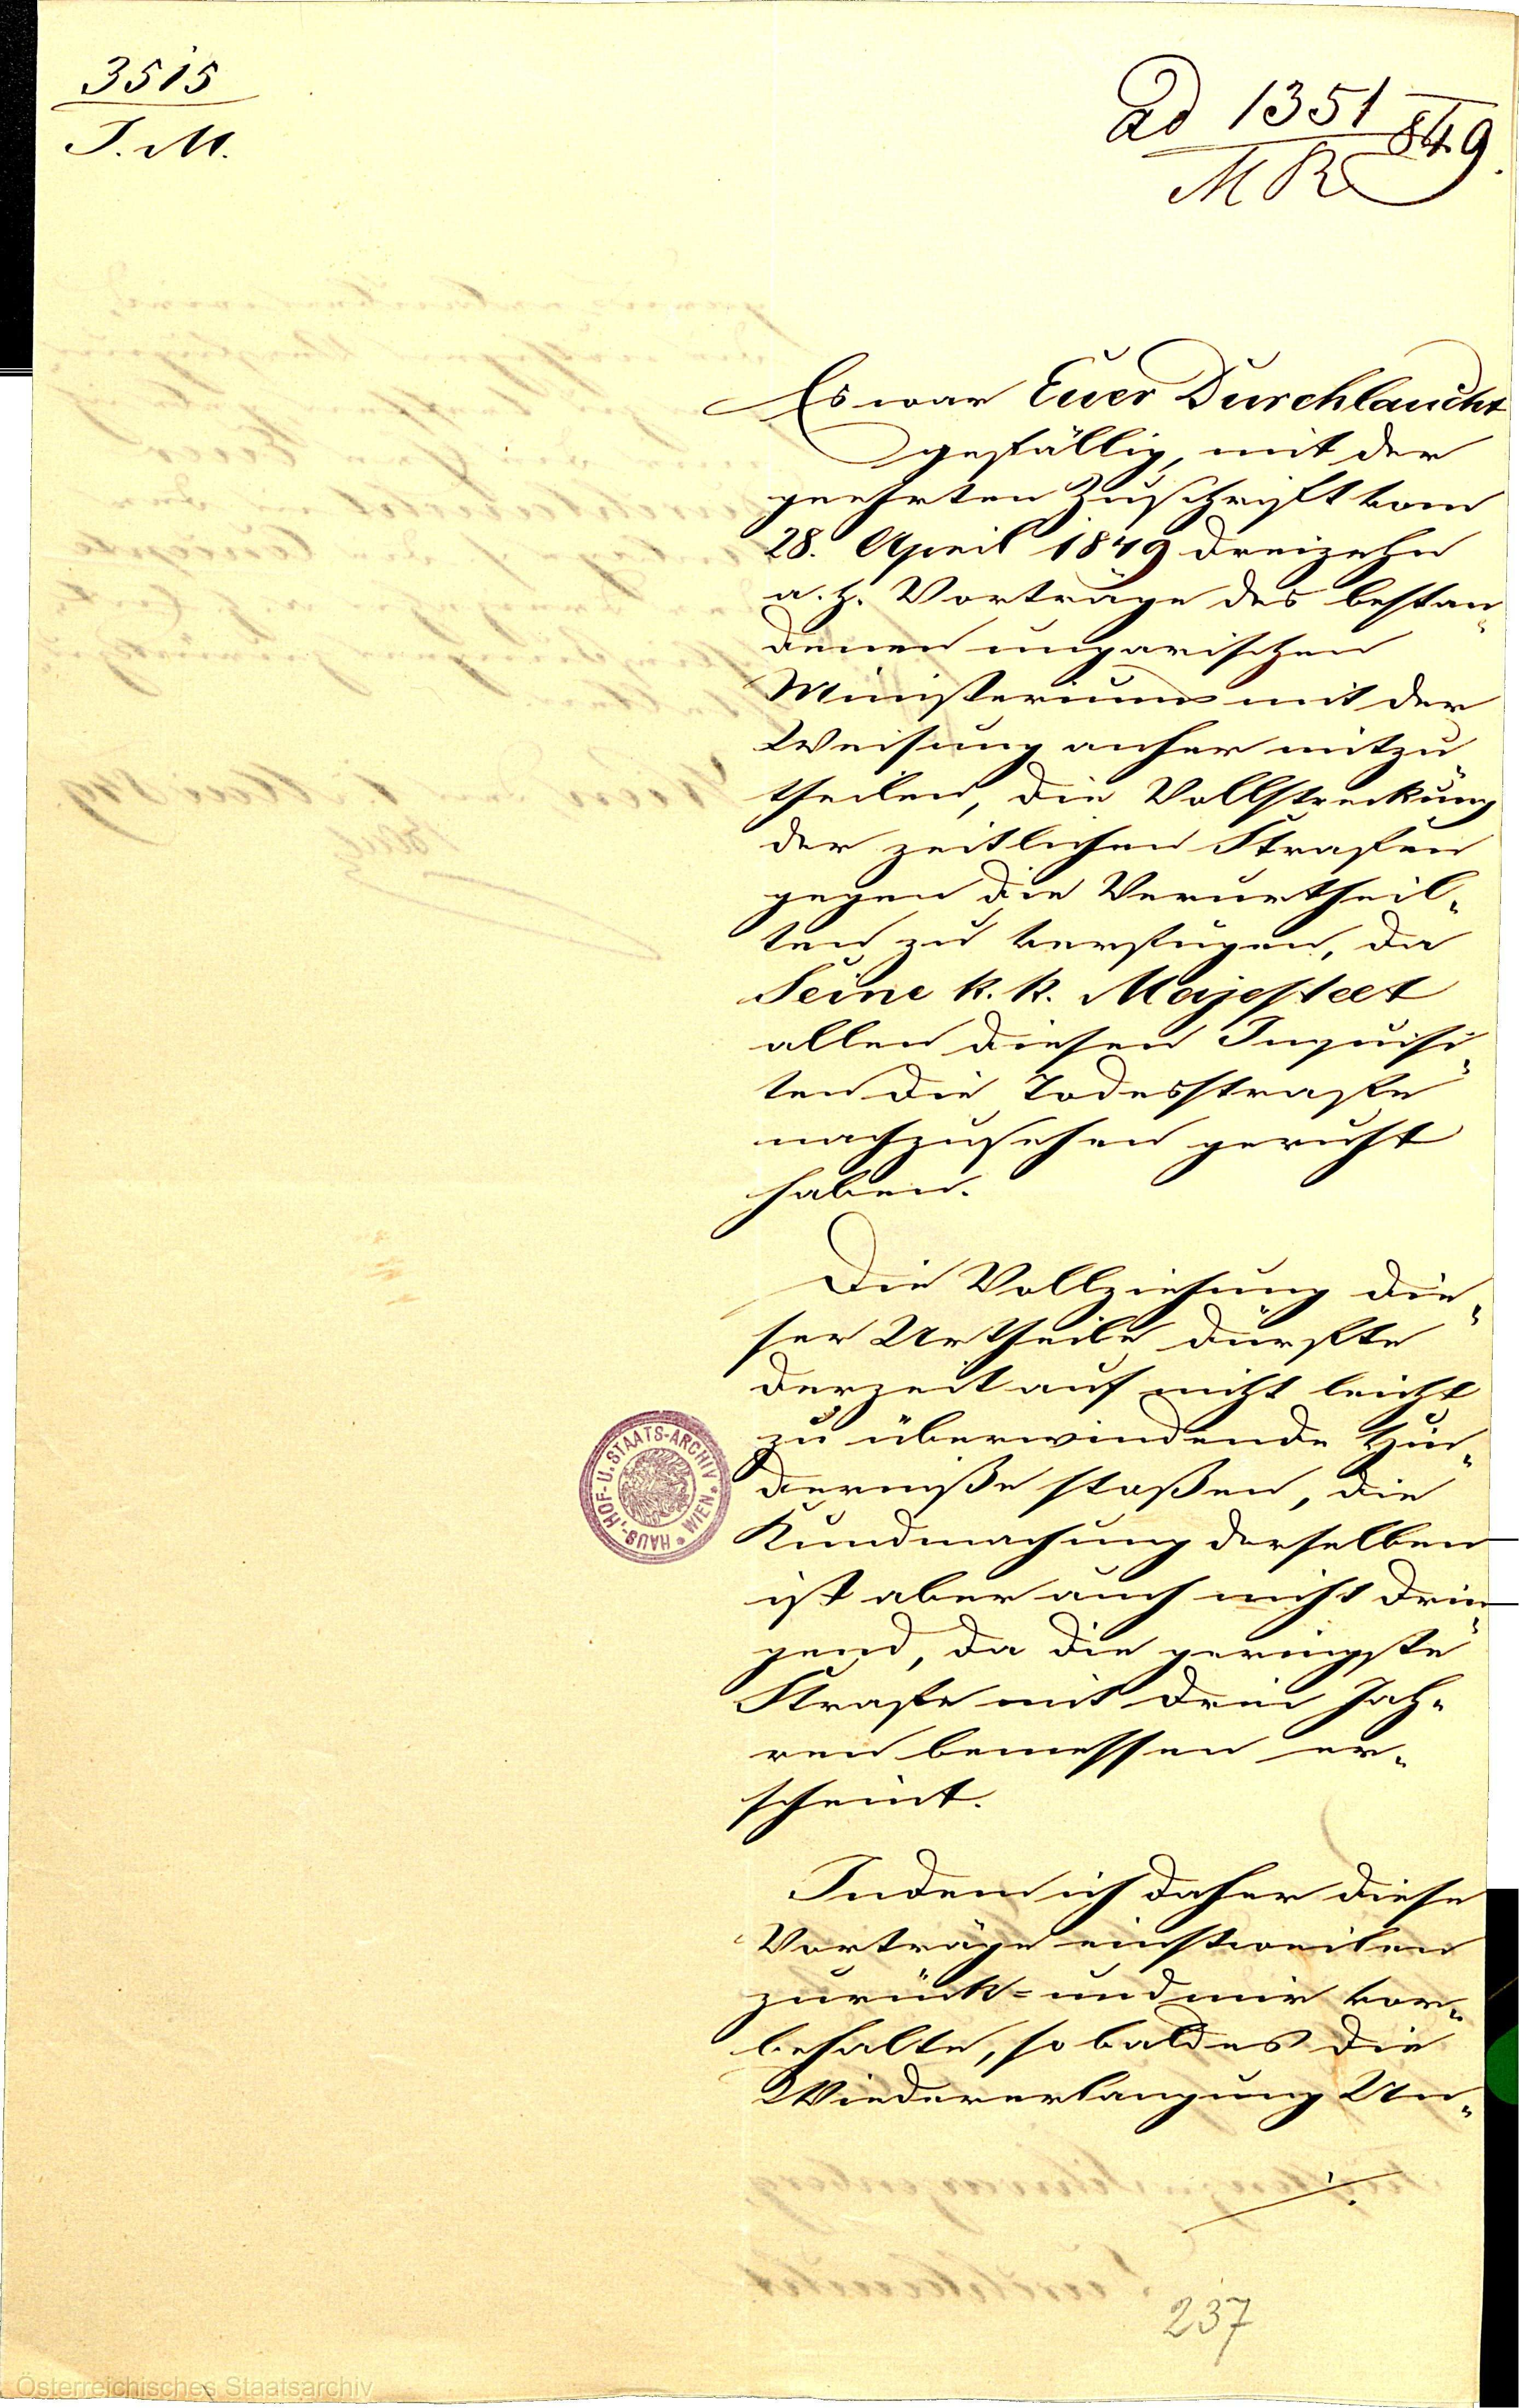3315
J. M.
ad 1351 849.
MR
Es war Euer Durchlaucht
gefällig, mit der
geehrten Zuschrift vom
28. April 1849 dreizehn
a. h. Vorträge des bestan¬
denen ungarischen
Ministeriums mit der
Weisung anher mitzu¬
theilen, die Vollstreckung
der zeitlichen Strafen
gegen die Verurtheil¬
ten zu verfügen, da
seine k. k. Majestat
allen diesen Inquisi¬
ten die Todesstrafe
nachzusehen geruht
haben.
Die Vollziehung die¬
ser Urtheile dürfte
derzeit auf nicht leicht
zu überwindende Hin¬
derniße stoßen, die
Kundmachung derselben
ist aber auch nicht drin¬
gend, da die geringste
Strafe mit drei Jah¬
ren bemessen er¬
scheint.
Indem ich daher diese
Vorträge einstweilen
zurück- und mir vor¬
behalte, so baldes die
Wiedererlangung Un¬
237